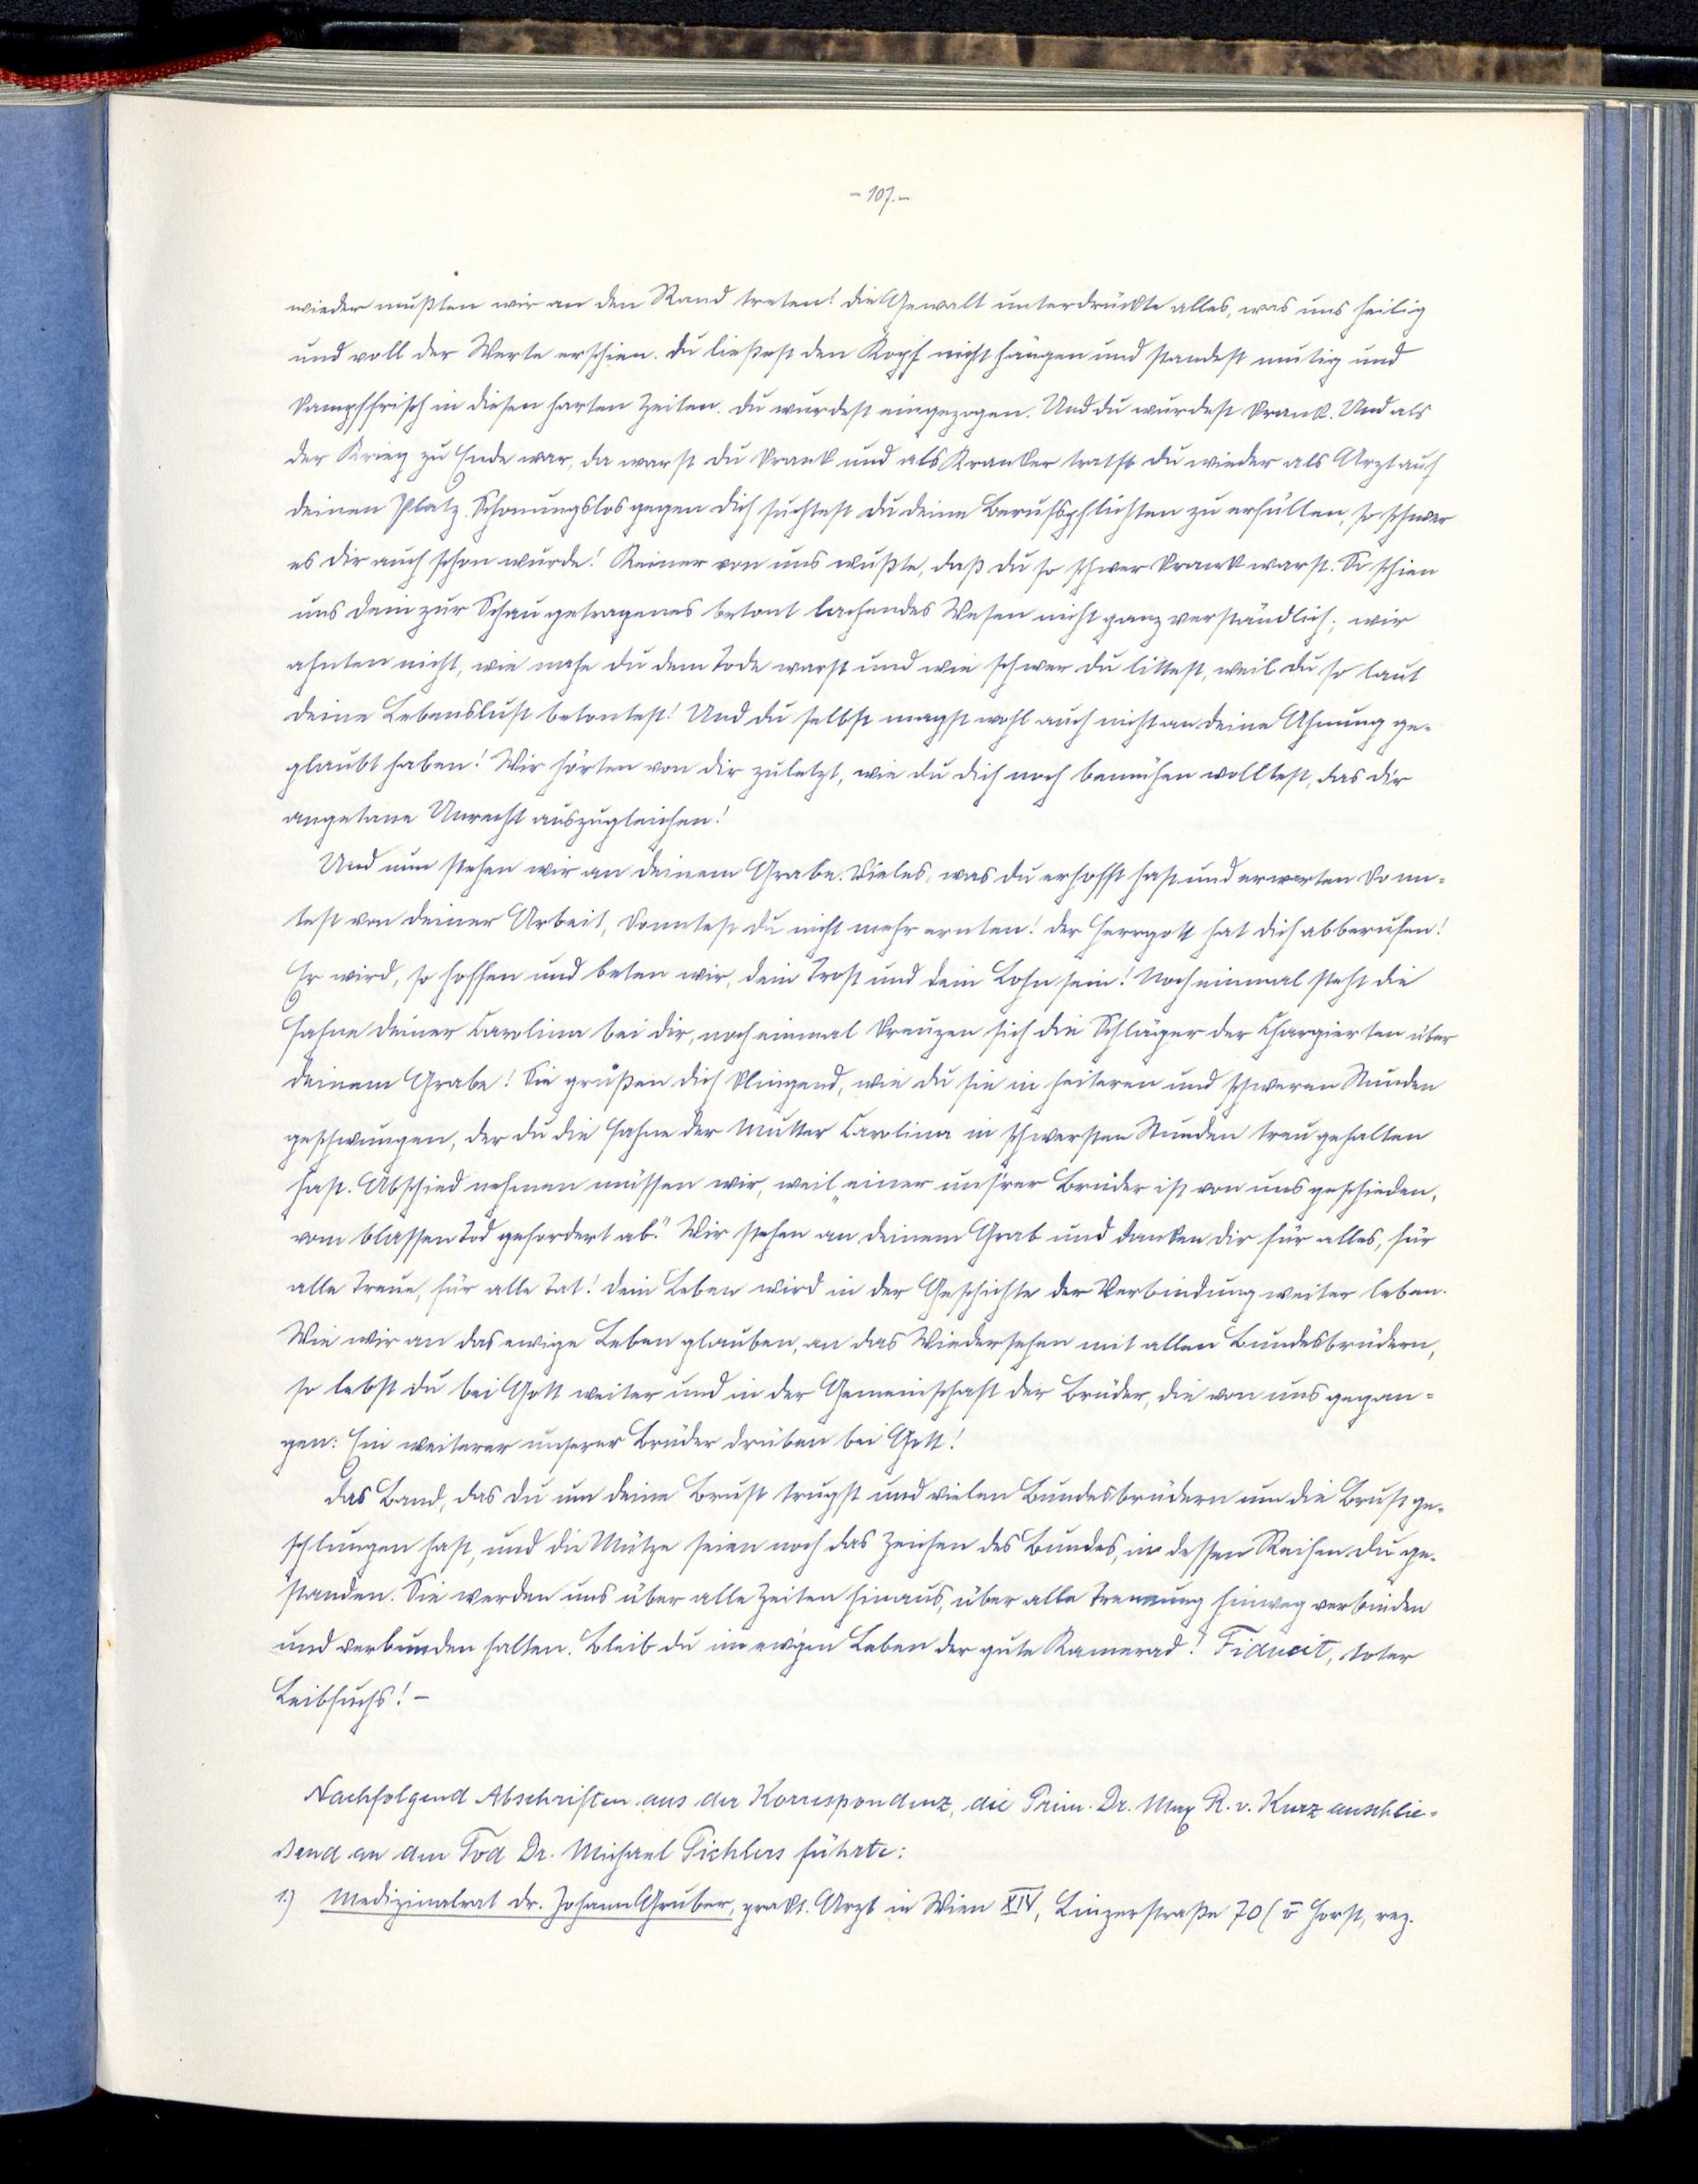12
wieder mußten wir an den Rand treten! Die Gewalt umterdrückte alles, was uns heilig
und voll der Werte erschien. Du ließest den Kopf nicht hängen und standest mutig und
kampffrisch in diesen harten Zeiten. Du wurdest eingezogen. Und du wurdest krank. Und als
der Krieg zu Ende war, da warst du krank und als kranker tratst du wieder als Arzt auf
deinen Platz. Schonungslos gegen dich suchtest du deine Berusspflichten zu erfüllen, so schwer
es dir auch schon wurde! Keiner von uns wusste, daß du so schwer krank warst. So schien
uns dein zur Schau getragenes betont lachendes Wesen nicht ganz verständlich, wir
ahnten nicht, wie nahe du dem Tode warst und wie schwer du littest, weil du so laut
Deine Lebenslust betontest! Und du selbst magst wohl auch nicht an deine Ahnung ge-
glaubt haben! Wir hörten von dir zuletzt, wie du dich noch bemühen wolltest, das Dir
angetane Unrecht auszugleichen!
Und nun stehen wir an deinem Grabe. Vieles, was du erhofft hast und erwarten konn-
test von deiner Arbeit, konntest du nicht mehr ernte!. Der Herrgot hat dich abberufen!
Er wird, so hoffen und beten wir, dein Trost und dein Lohn sein! Noch einmal steht die
Fahne deiner Carolina bei dir, noch einmal kreuzen sich die Schläger der Chargierten über
deinem Grabe! Sie grüßen dich klingend, wie du sie in heiteren und schweren Stunden
geschwungen, der du die Fahne der Mutter Carolina in schwersten Stunden treu gehalten
hast. Abschied nehmen müssen wir, weil einer unser Brüder ist von uns geschieden
vom blassen Tod gefordert ab. Wir stehen an deinem Grab und danken Dir für alles, für
alle Treue, für alle Tat! Dein Leben wird in der Geschichte der Verbindung weiter leben.
Wie wir an das ewige Leben glaube, an das Wiedersehen mit allen Bundesbrüdern,
so lebst du bei Gott weiter und in der Gemeinschaft der Brüder, die von uns gegan-
gen. Ein weiterer unserer Brüder drüben bei Gott!
Das Band, das du um deine Brust trugst und vielen Bundesbrüdern um die Bruft ge-
schlungen hast, und die Mütze seien noch das Zeichen des Bundes, in dessen Reihen du ge-
standen. Sie werden uns über alle Zeiten hinaus, über alle Trennung hinweg verbinden
und verbunden halten. Bleib du im ewigen Leben der gute Kamerad! Fiducit, toter
Leibfuchs!
Nachfolgend Abschriften aus der Korrespondenz, die Prim. Dr. Max R. v. Kurz anschlie-
ßend an den Tod Dr. Michael Pichlers führte:
1). Medizinalrat Dr. Johann Gruber, prakt. Arzt in Wien XIV, Linzerstraße 70(v/o Horst, rez